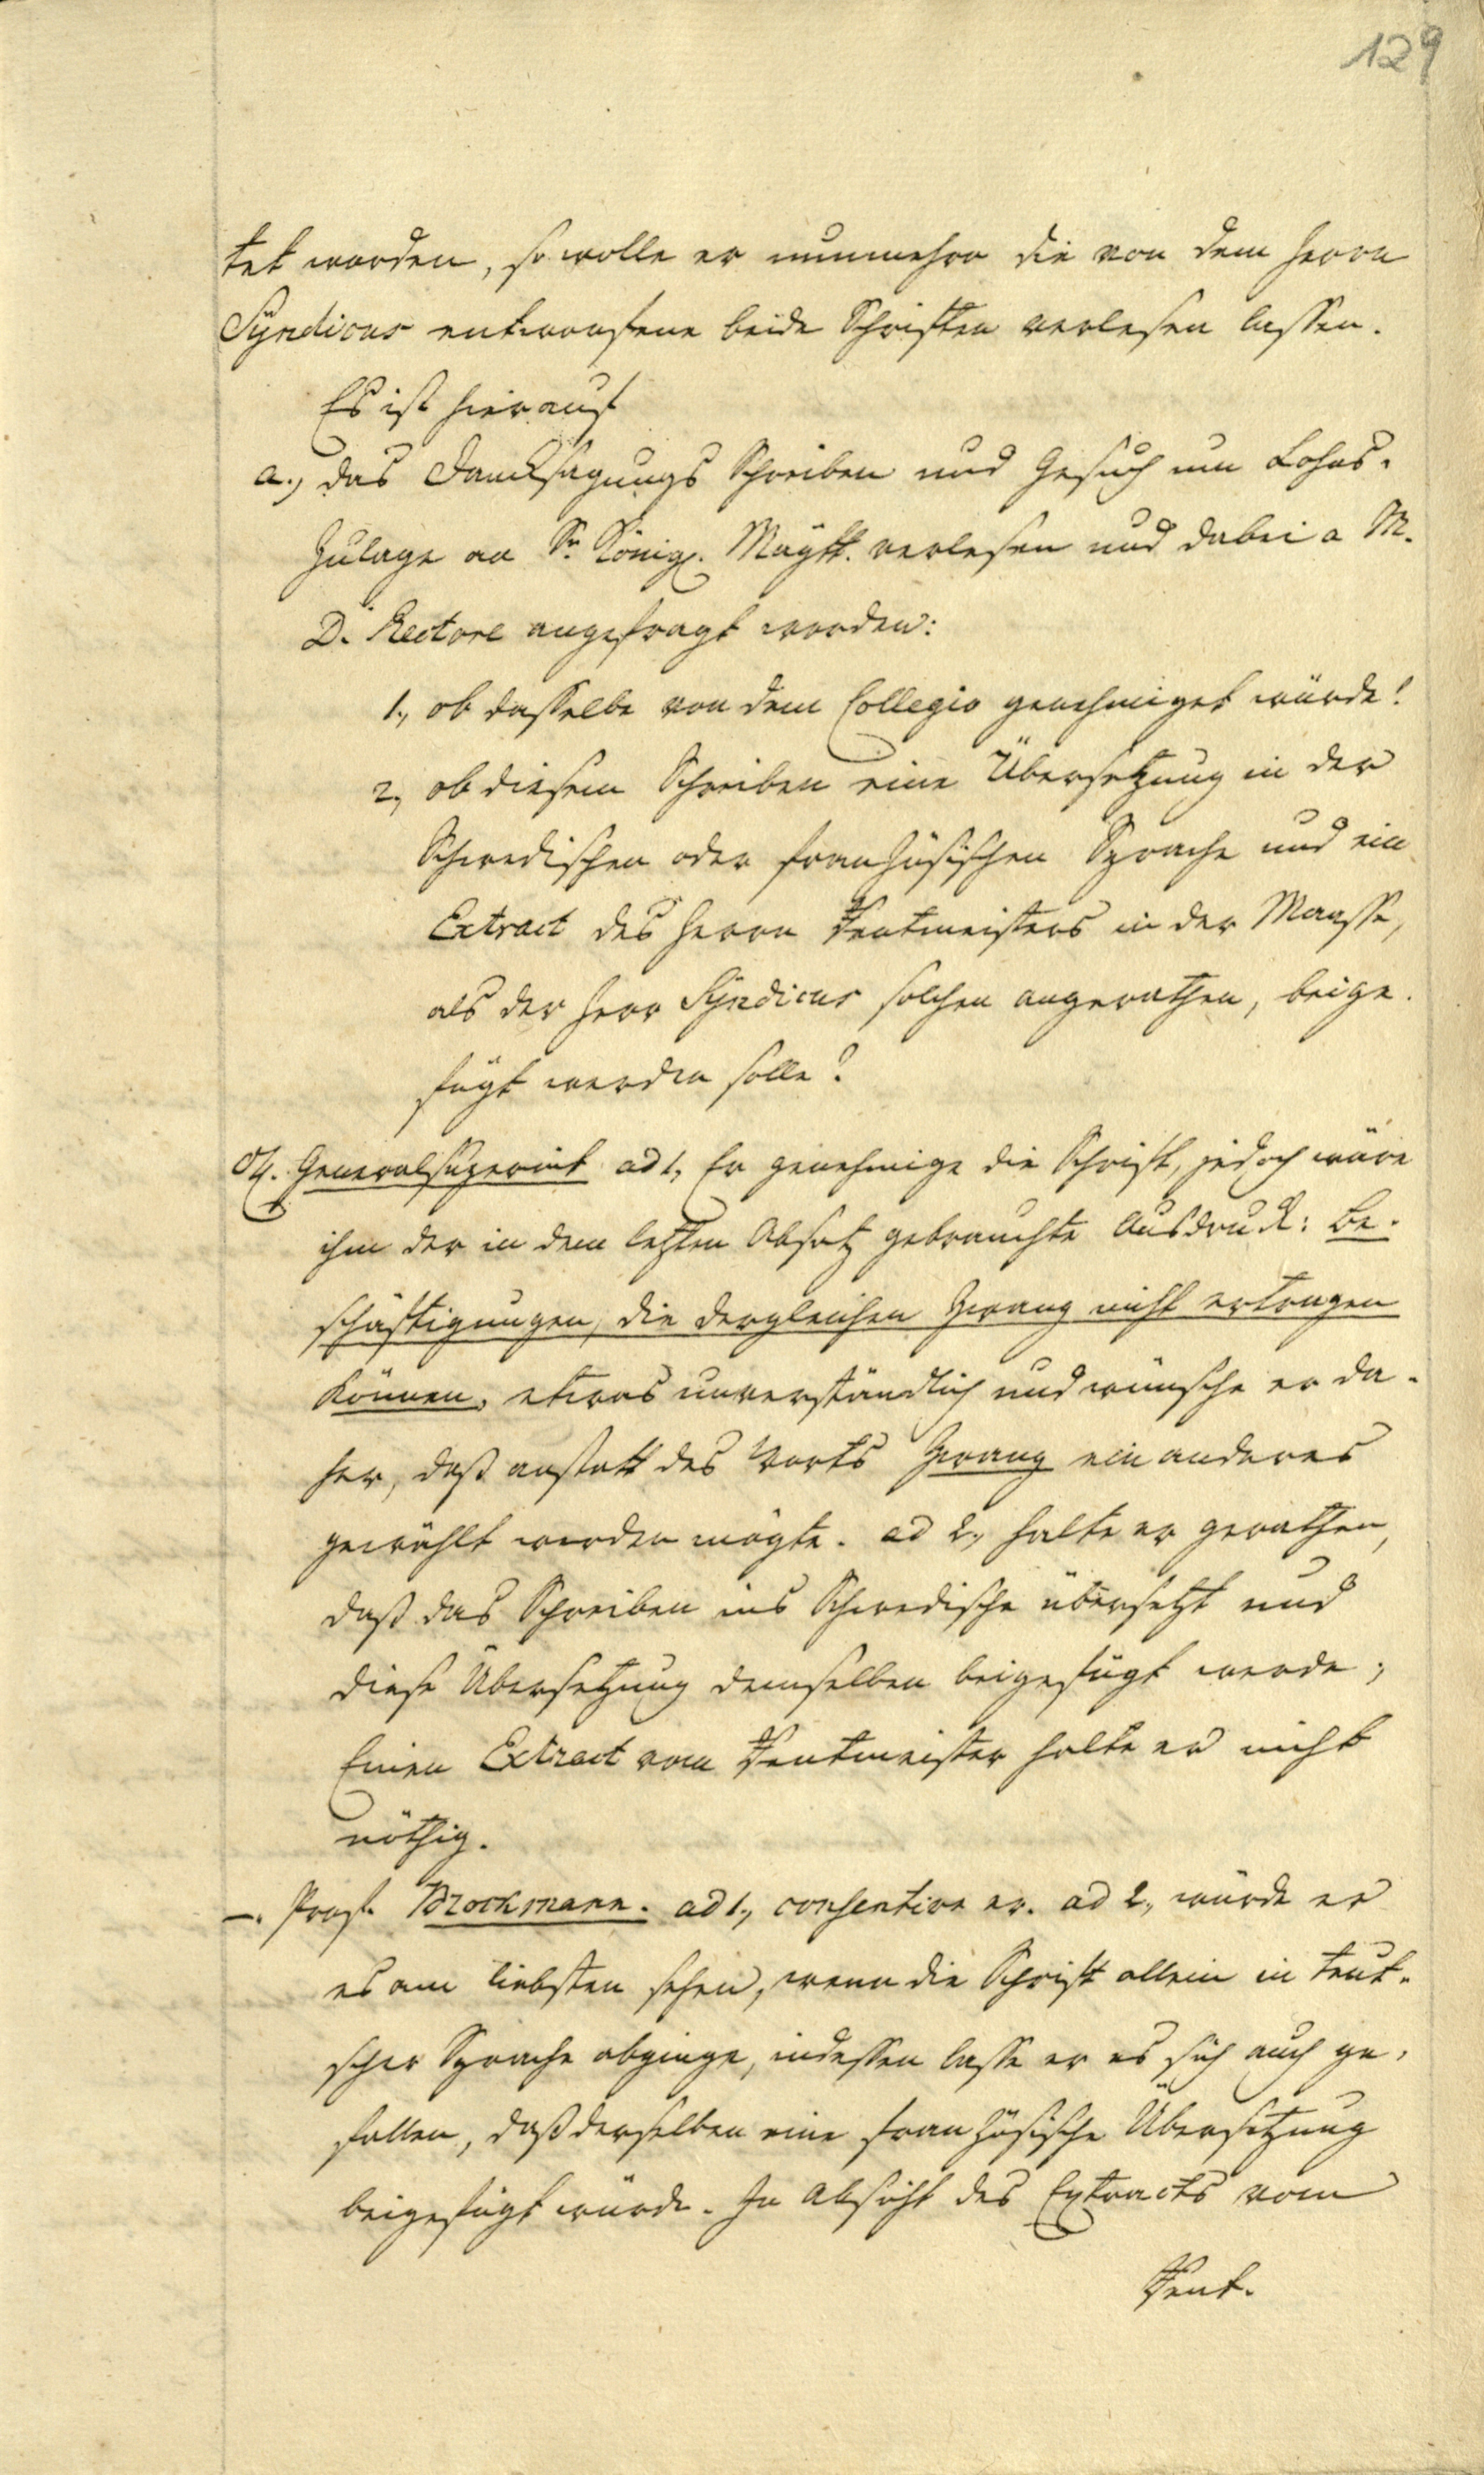tet worden, so wolle er nunmehro die von dem Herrn
Sÿndicus entworfene beide Schriften verlesen lassen.
Es ist hierauf
a., das Dancksagungs Schreiben und Gesuch um Lohns¬
Zulage an Sr Königl. Maÿtt. verlesen und dabei a M.
D. Rectore angefragt worden:
1., ob dasselbe von dem Collegio genehmiget würde?
2, ob diesem Schreiben eine Übersetzung in der
Schwedischen oder Französischen Sprache und ein
Extract des Herrn Rentmeisters in der Maasse,
als der Herr Sÿndicus solchen angerathen, beige¬
fügt werden solle?
dh. Generalsuperint ad 1, Er genehmiget die Schrift, jedoch wäre
ihm der in dem letzten Absatz gebrauchte Ausdruck: Be¬
schäftigungen, die dergleichen Zwang nicht ertragen
können, etwas unverständlich und wünsche er da¬
her, daß anstatt des Worts Zwang ein anderes
gewählt werden mögte. ad 2., halte er gerathen,
daß das Schreiben ins Schwedische übersetzt und
diese Übersetzung demselben beigefügt werde;
Einen Extract vom Rentmeister halte er nicht
nöthig.
Prof. Brockmann. ad 1., consentive er. ad 2, würde er
es am liebsten sehen, wenn die Schrift allein in teut¬
scher Sprache abginge, indessen lasse er es sich auch ge¬
fallen, daß derselben eine französische Übersetzung
beigefügt würde. In Absicht des Extracts vom
Rent.